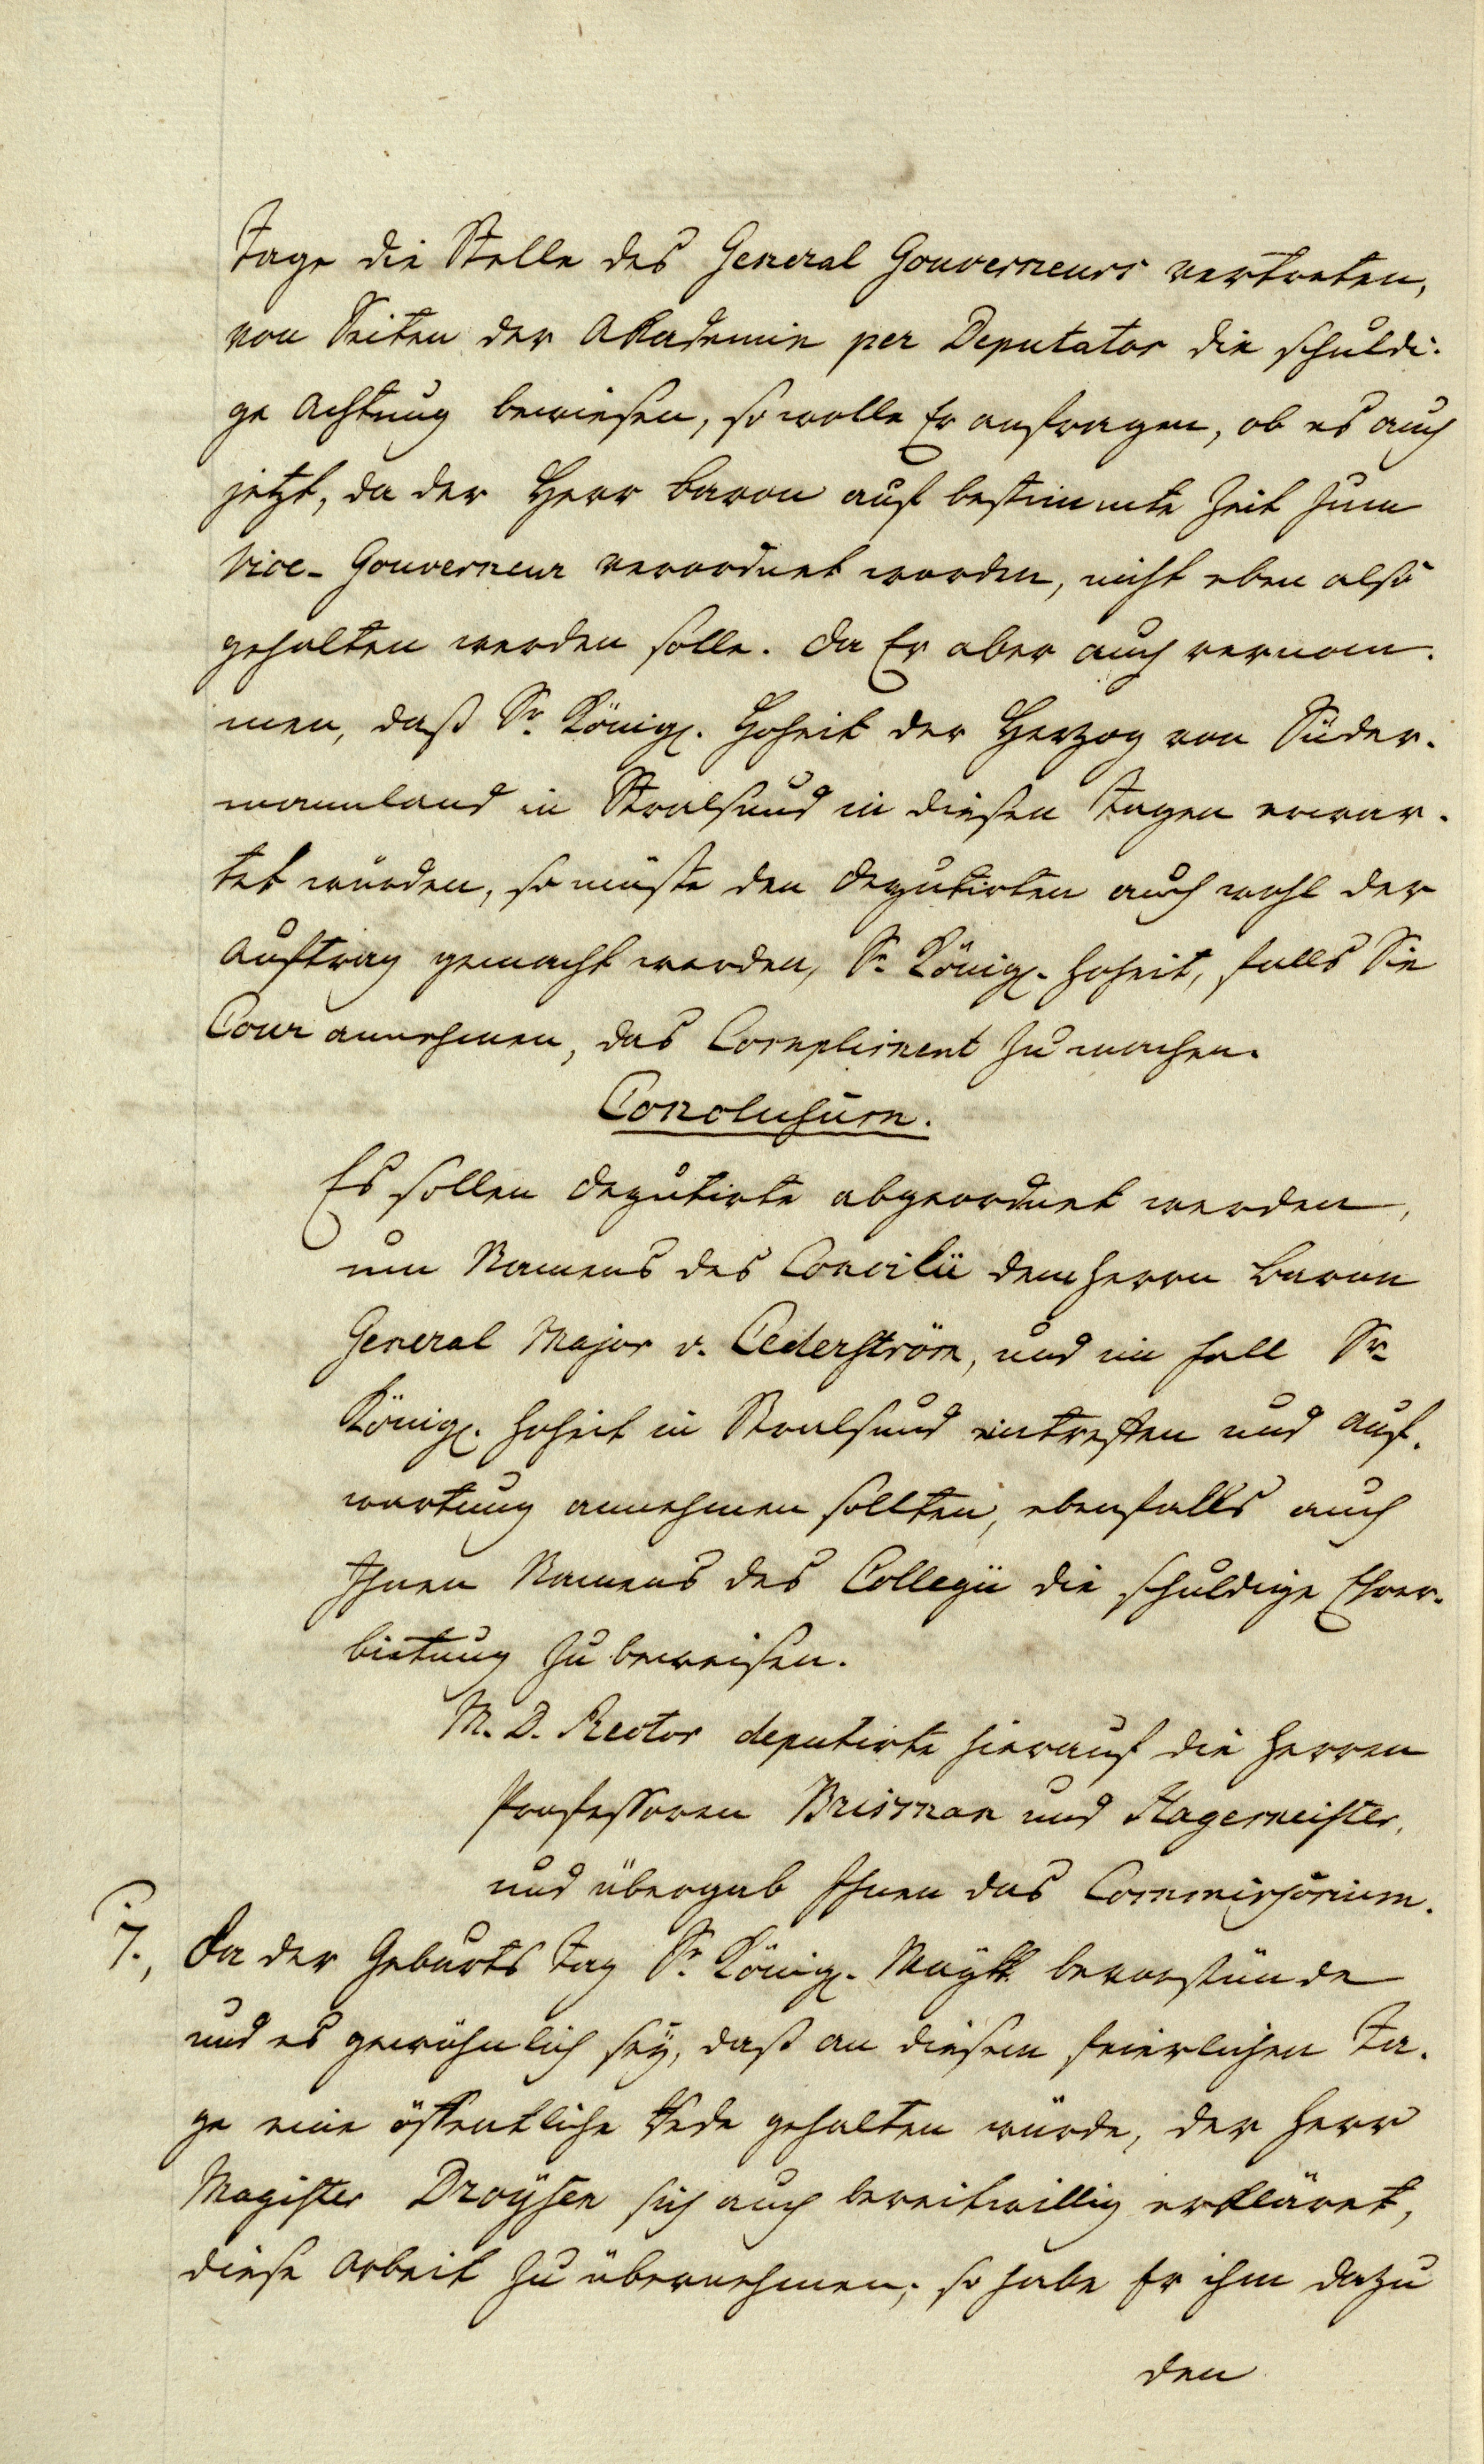Tage die Stelle des General Gouverneurs vertreten,
von Seiten der Akademien per Deputatos die schuldi¬
ge Achtung bewiesen, so wolle Er anfragen, ob es auch
jetzt, da der Herr Baron auf bestimmte Zeit zum
Vice Gouverneur verordnet worden, nicht eben also
gehalten werden solle. Da Er aber auch vernom¬
men, daß Sr Königl. Hoheit der Herzog von Süder¬
mannland in Stralsund in diesen Tagen erwar-
tet würden, so müßte den Deputirten auch wohl der
Auftrag gemacht werden, Sr Königl. Hoheit, falls Sie
Cour annehmen, das Compliment zu machen.
Conclusum.
Es sollen Deputirte abgeordnet werden,
um Namens des Concilii dem Herrn Baron
General Major v. Cederström, und im Fall Sr
Königl. Hoheit in Stralsund eintreffen und Auf¬
wartung annehmen sollten, ebenfalls auch
Ihnen Namens des Collegii die schuldige Ehrer¬
bietung zu beweisen.
M. D. Rector deputirte hierauf die Herren
Professoren Brisman und Hagemeister,
und übergab Ihnen das Commissorium.
7., Da der Geburts Tag Sr Königl. Maÿtt. bevorstünde
und es gewöhnlich seÿ, daß an diesem feierlichen Ta¬
ge eine öffentliche Rede gehalten würde, der Herr
Magister Droÿsen sich auch bereitwillig erkläret,
diese Arbeit zu übernehmen; so habe Er ihm dazu
den